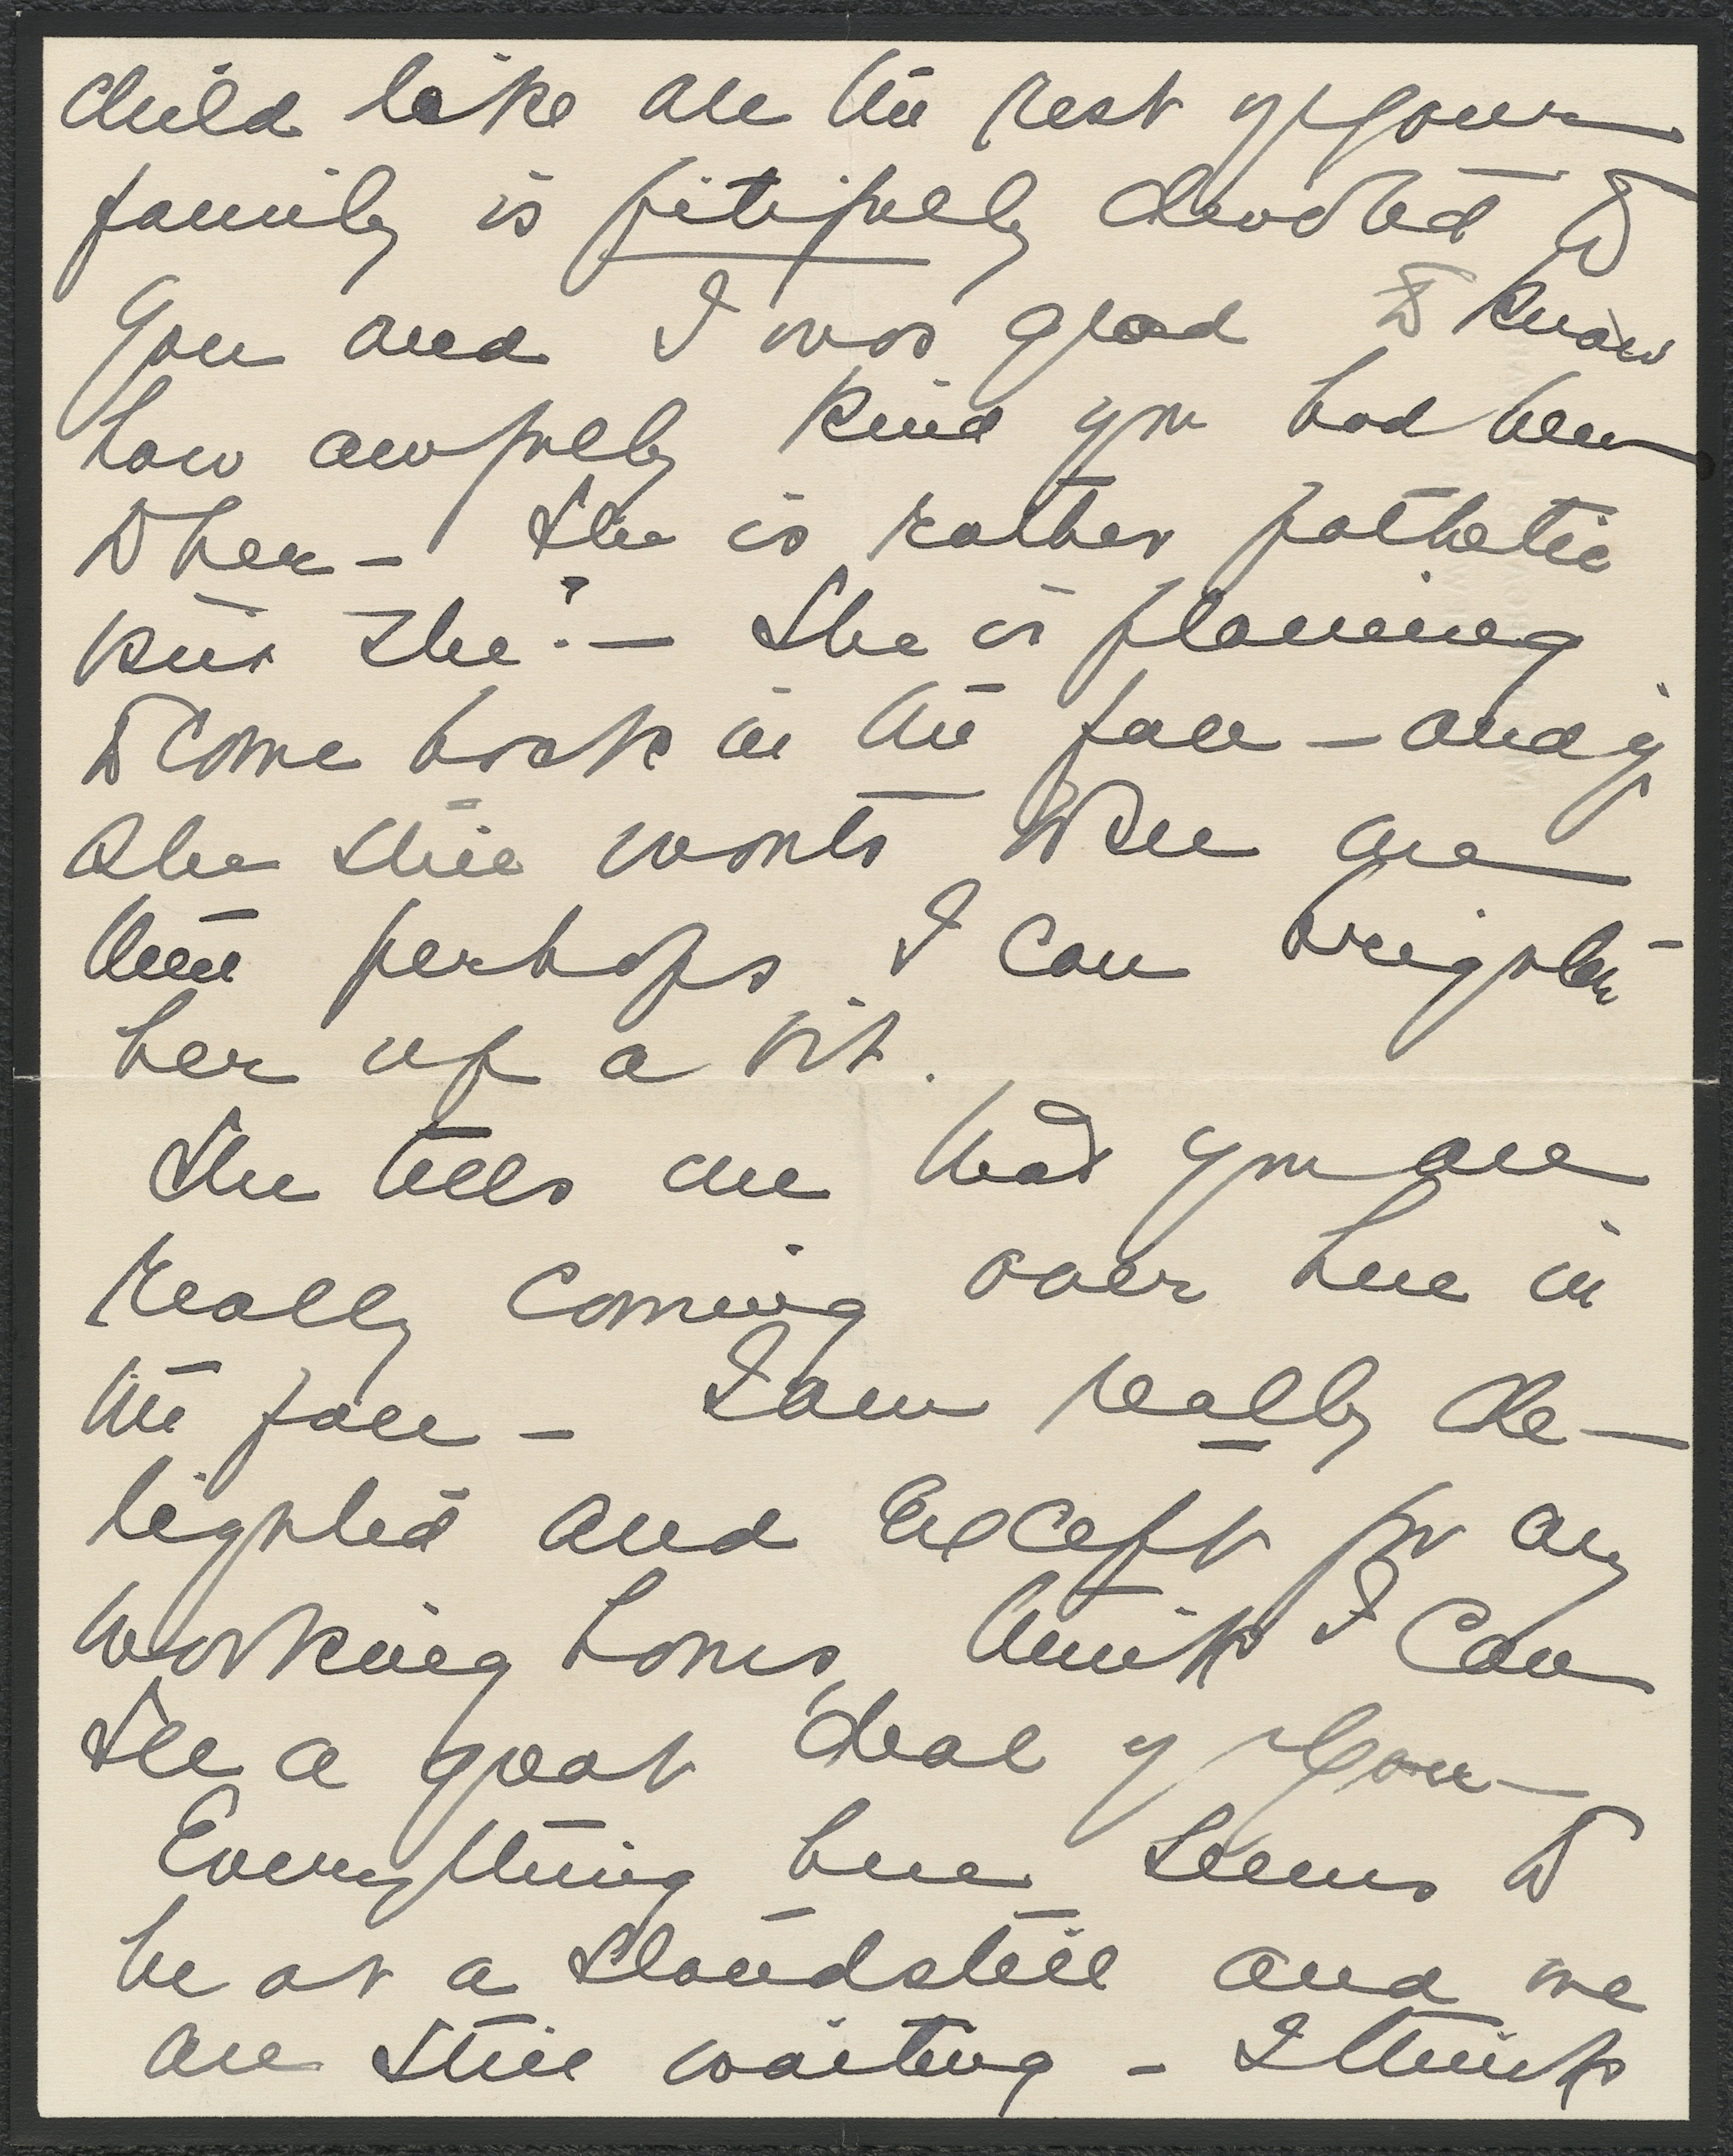child like all the rest of your family is pitifully devoted to you and I was glad to know how awfully kind you had been to her – she is rather pathetic isn’t she? – She is planning to come back in the fall – and if she still wants to see me then perhaps I can brighten her up a bit.
She tells me that you are really coming over here in the fall – I am really delighted and except for my working hours, think I can see a great deal of you –
Everything here seems to be at a standstill and we are still waiting – I think